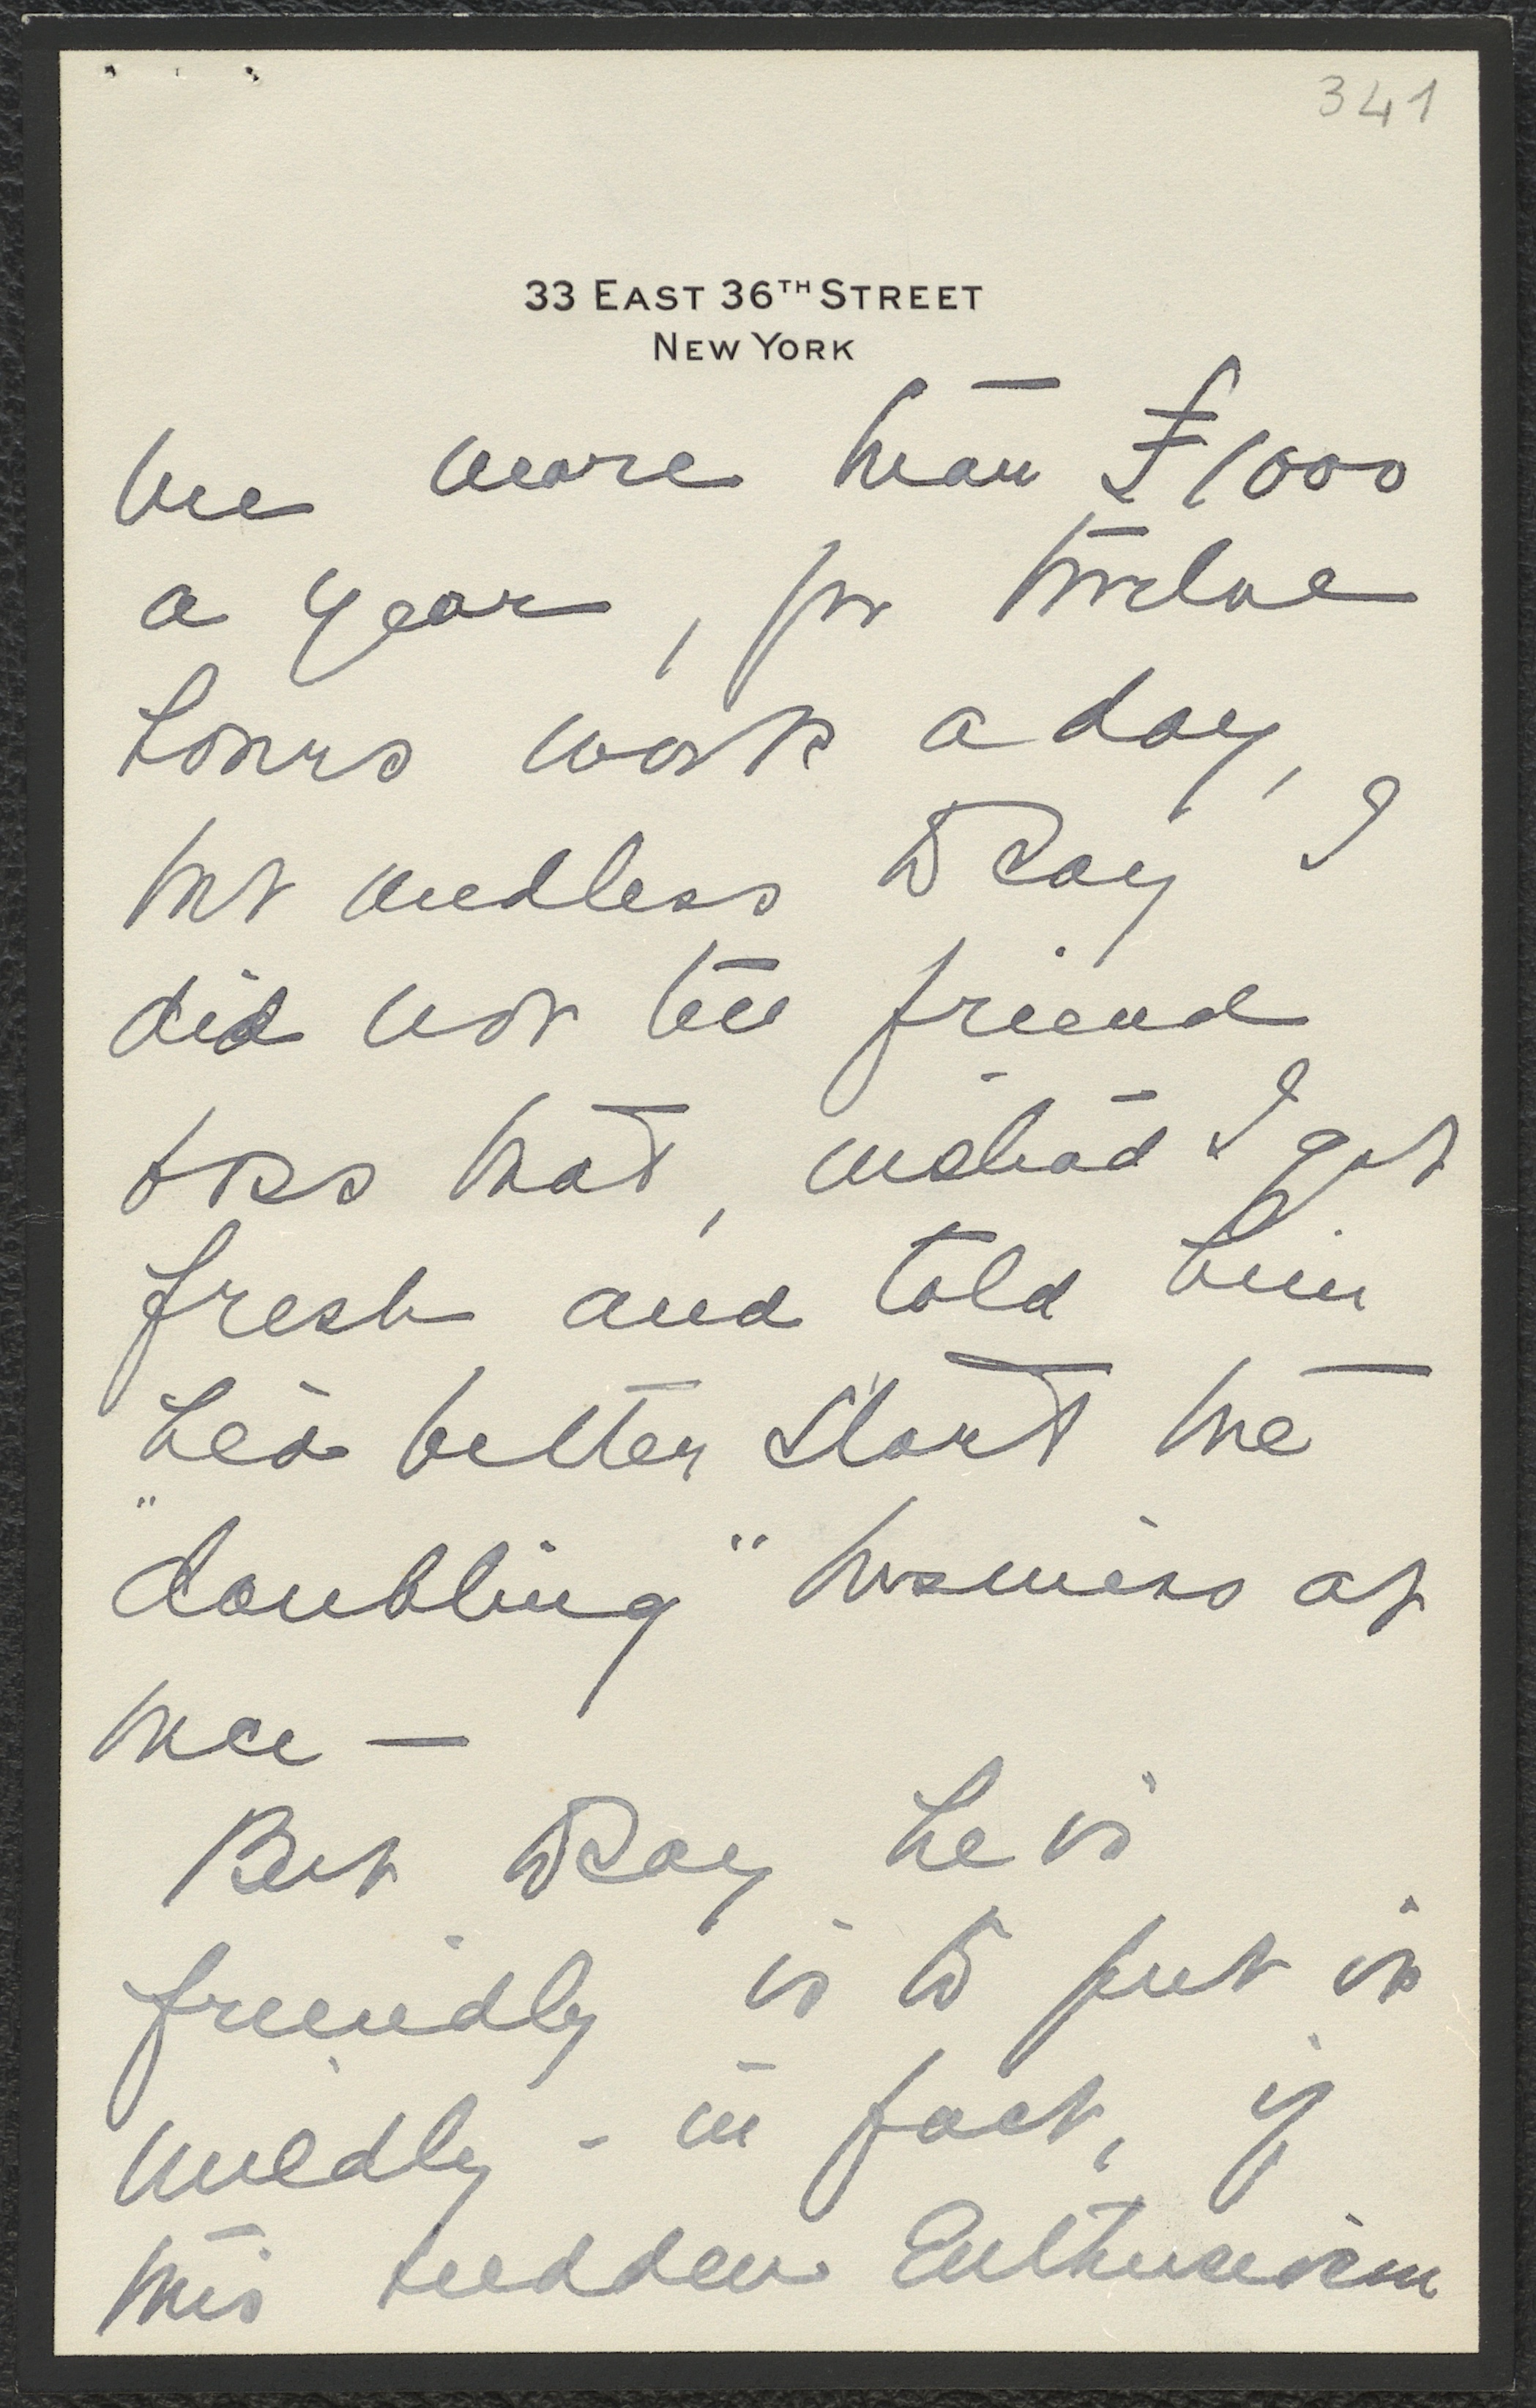me more than £1000 a year, for twelve hours work a day, but needless to say I did not tell friend boss that, instead I got fresh and told him he’d better start the “doubling” business at once –
But to say he is friendly is to put it mildly – in fact, if this sudden enthusiasm